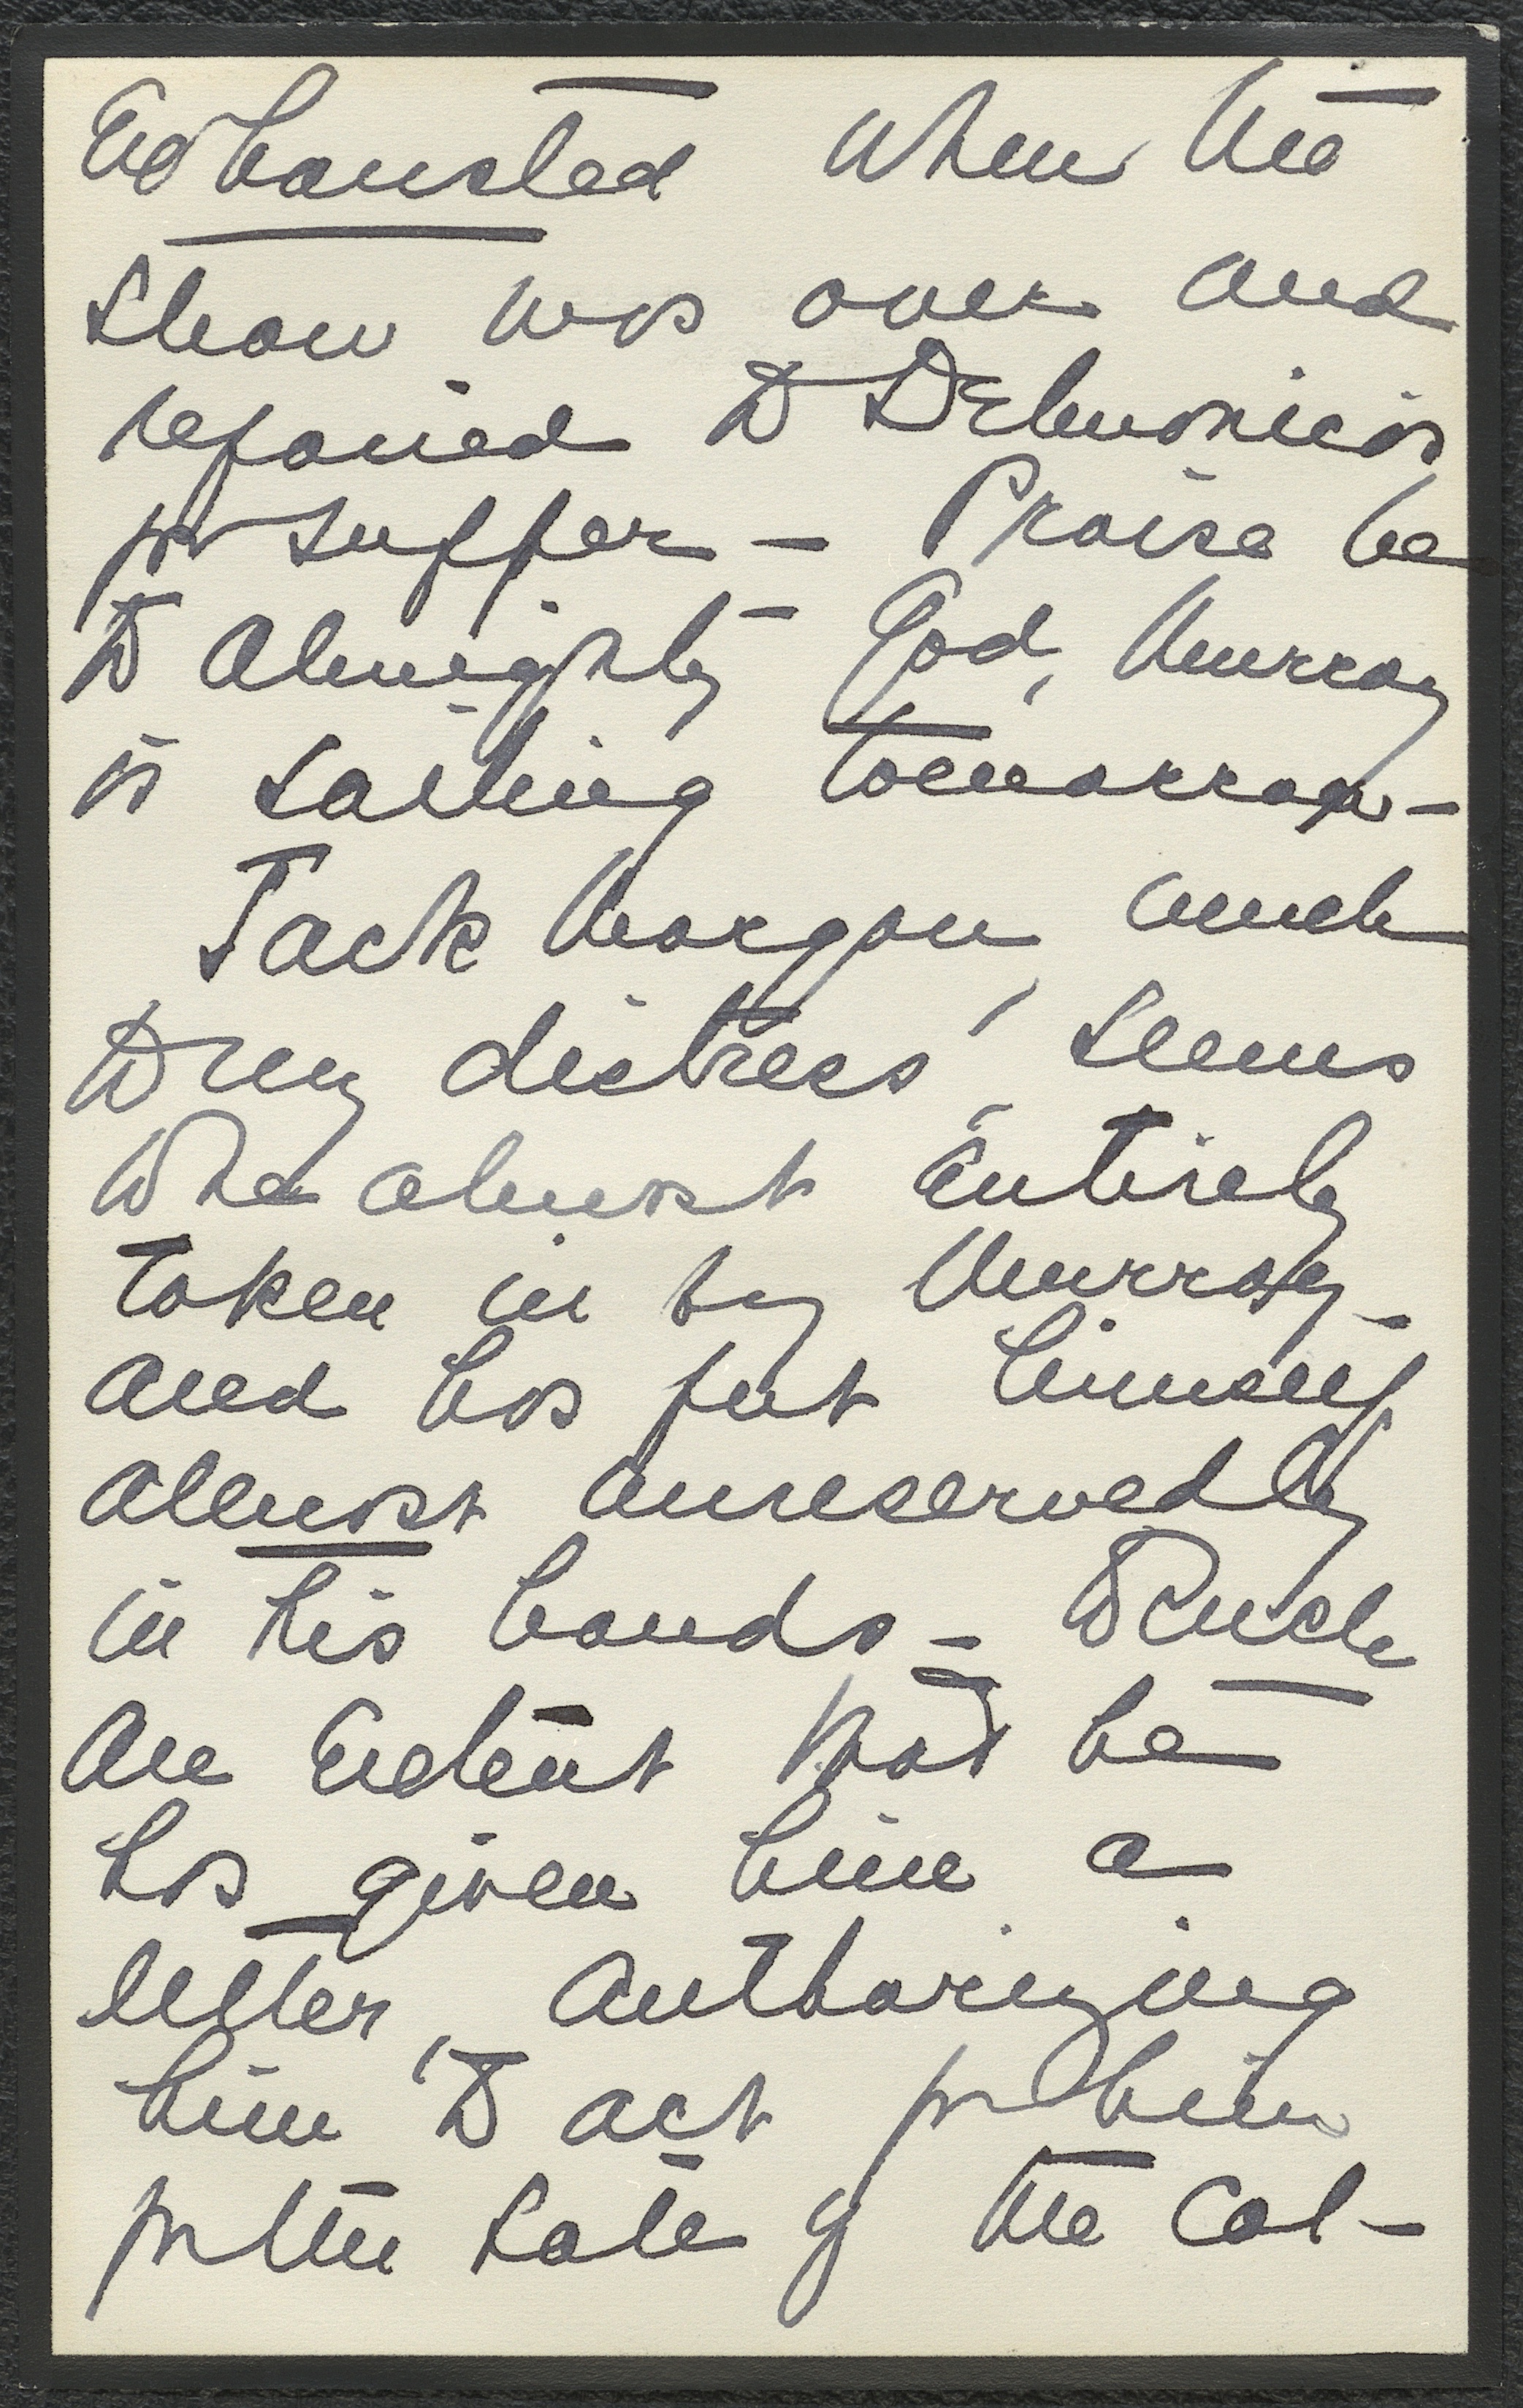Exhausted when the show was over and repaired to Delmonico’s for supper – Praise be to almighty God, Murray is sailing tomorrow –
Jack Morgan, much to my distress, seems to be almost entirely taken in by Murray – and has put himself almost unreservedly in his hands – to such an extent that he has given him a letter, authorizing him to act for him for the sale of the collection!!